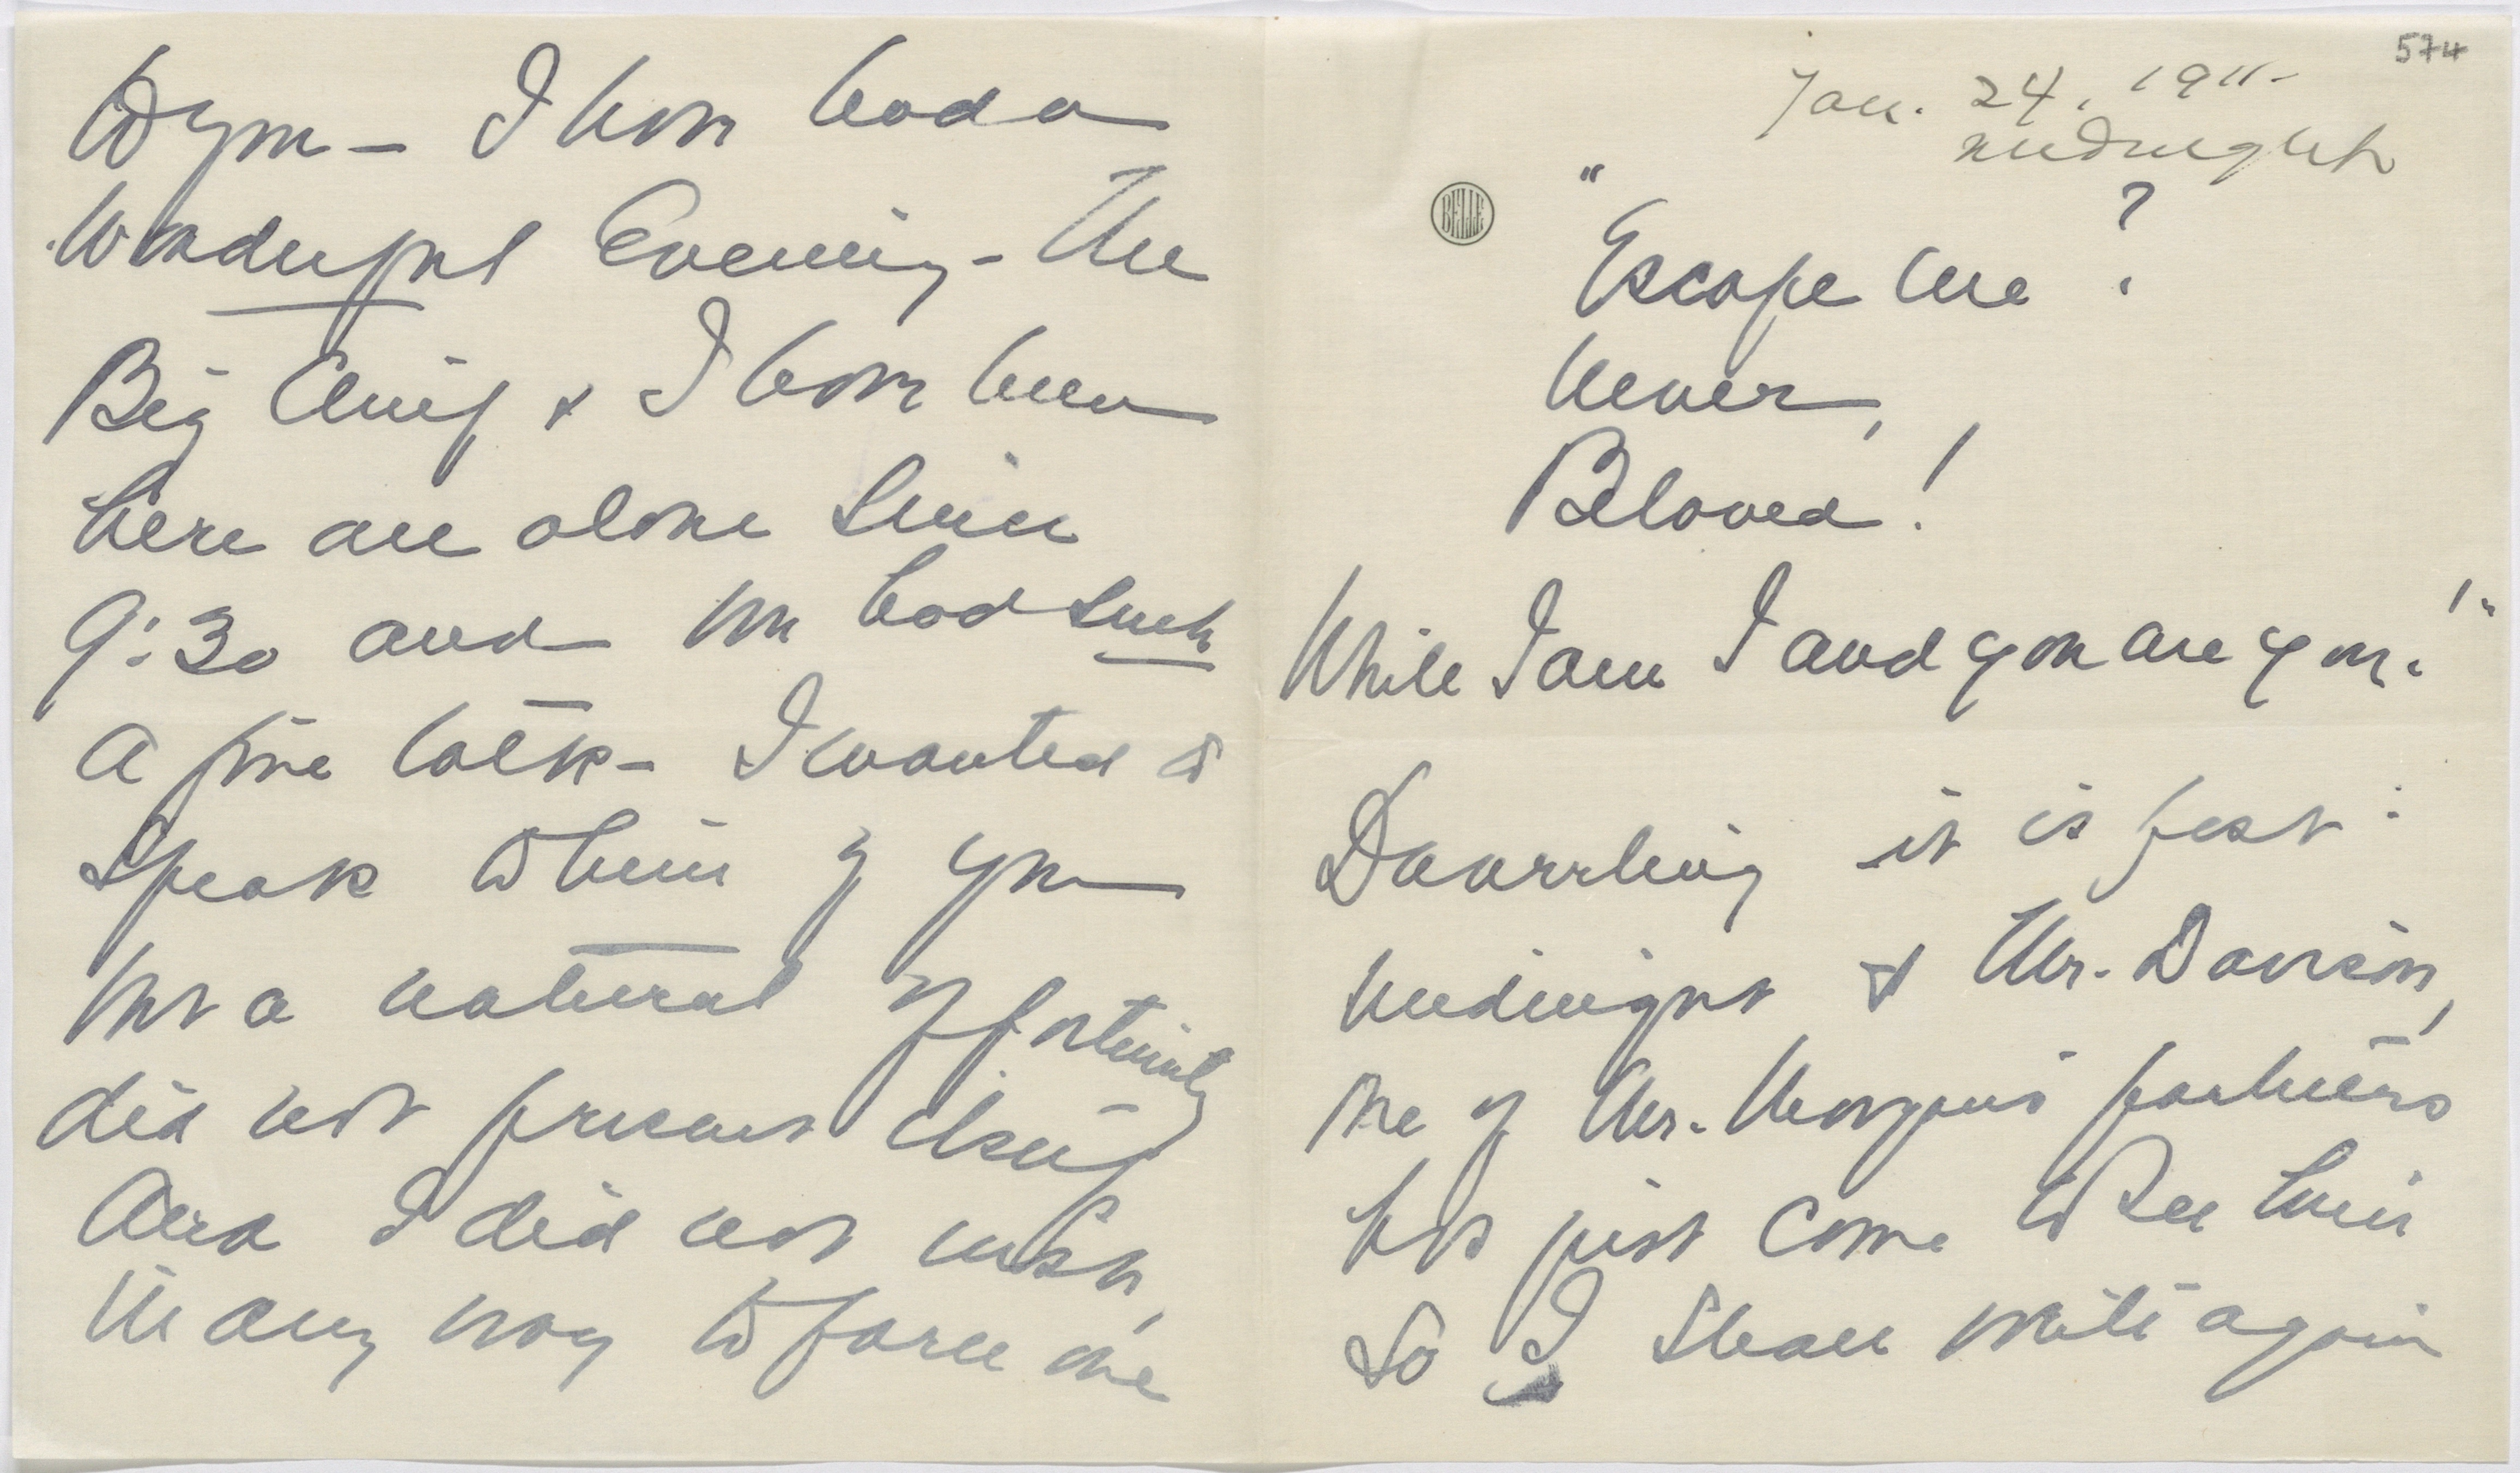“Escape me?
Never,
Beloved!
While I am I and you are you!”
Daarrling it is past midnight & Mr. Davison, one of Mr. Morgan’s partners has just come to see him so I shall write again
to you – I have had a wonderful evening – The Big Chief & I have been here all alone since 9:30 and we had such a fine talk – I wanted to speak to him of you but a natural opportunity did not present itself and I did not wish in any way to force one